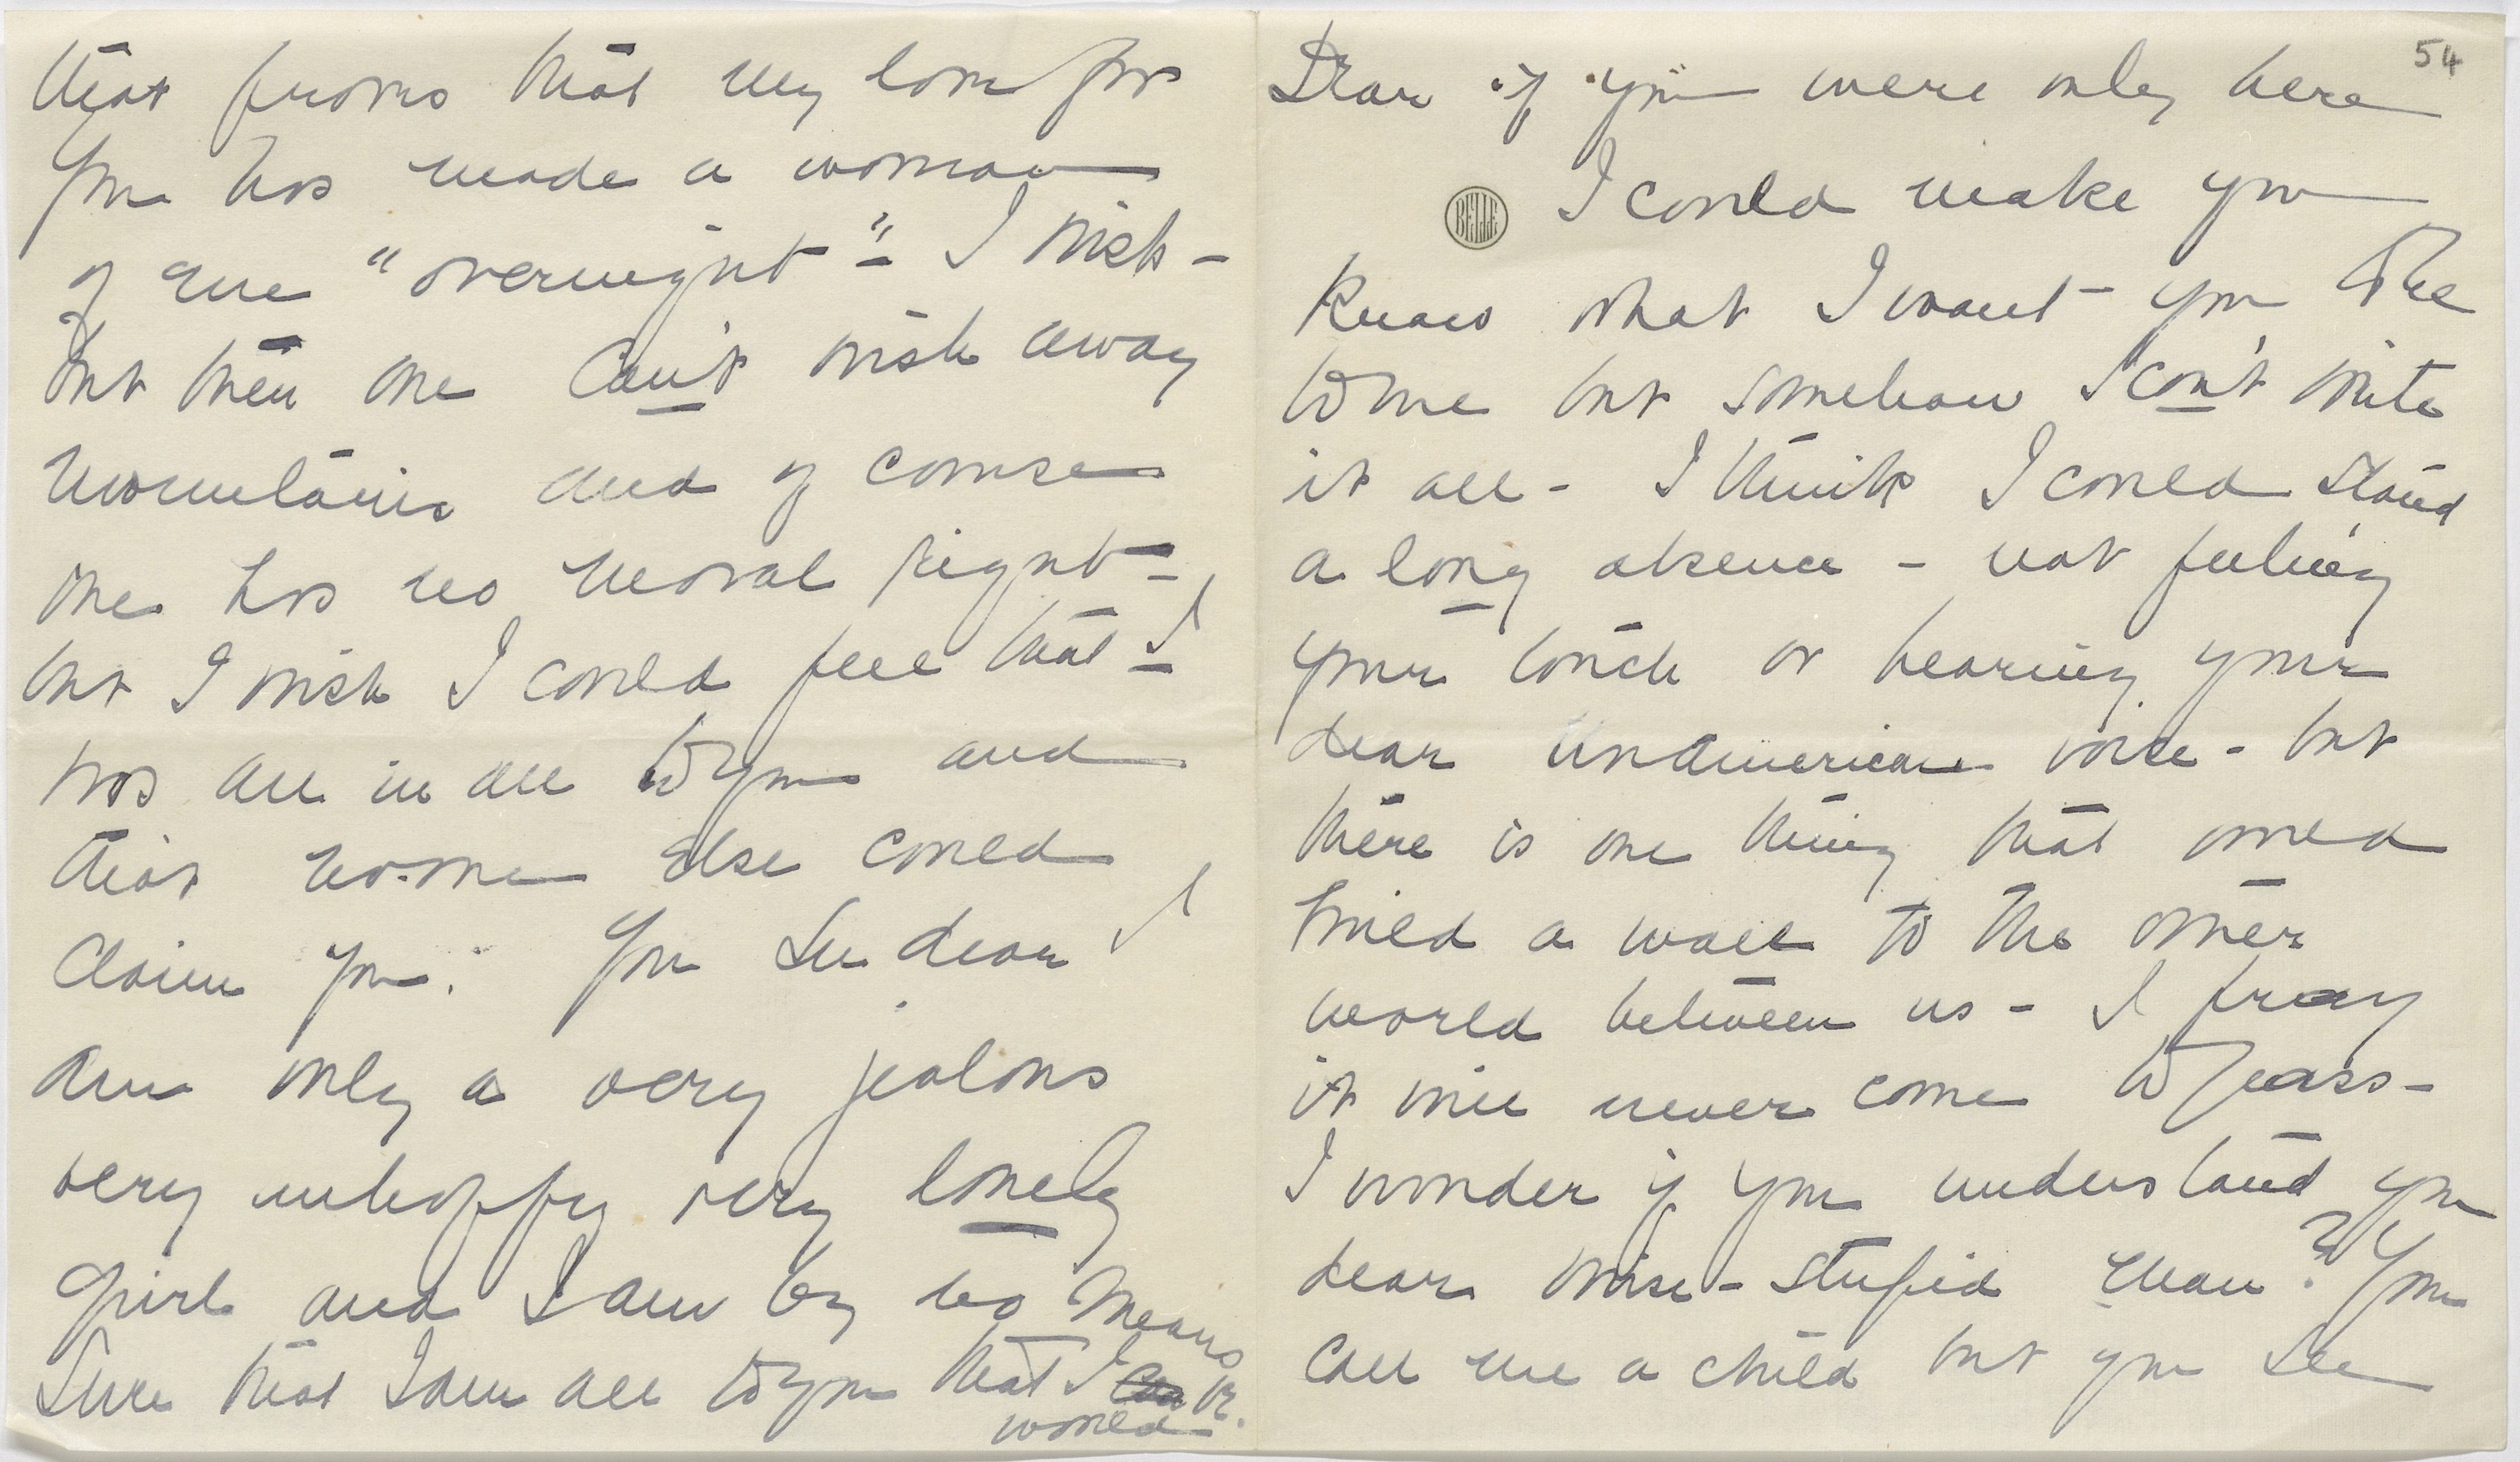Dear “if you” were only here I could make you know what I want you to be to me but somehow I can’t write it all – I think I could stand a long absence – not feeling your touch or hearing your dear unamerican voice – but there is one thing that could build a wall to the other world between us – I pray it will never come to pass – I wonder if you understand you dear wise-stupid man? You call me a child but you see
that proves that my love for you has made a woman of me “overnight” – I wish – but then one can’t wish away mountains and of course one has no moral right – but I wish I could feel that I was all in all to you and that no one else could claim you. You see dear I am only a very jealous very unhappy very lonely girl and I am by no means sure that I am all to you that I can ^would^ be.